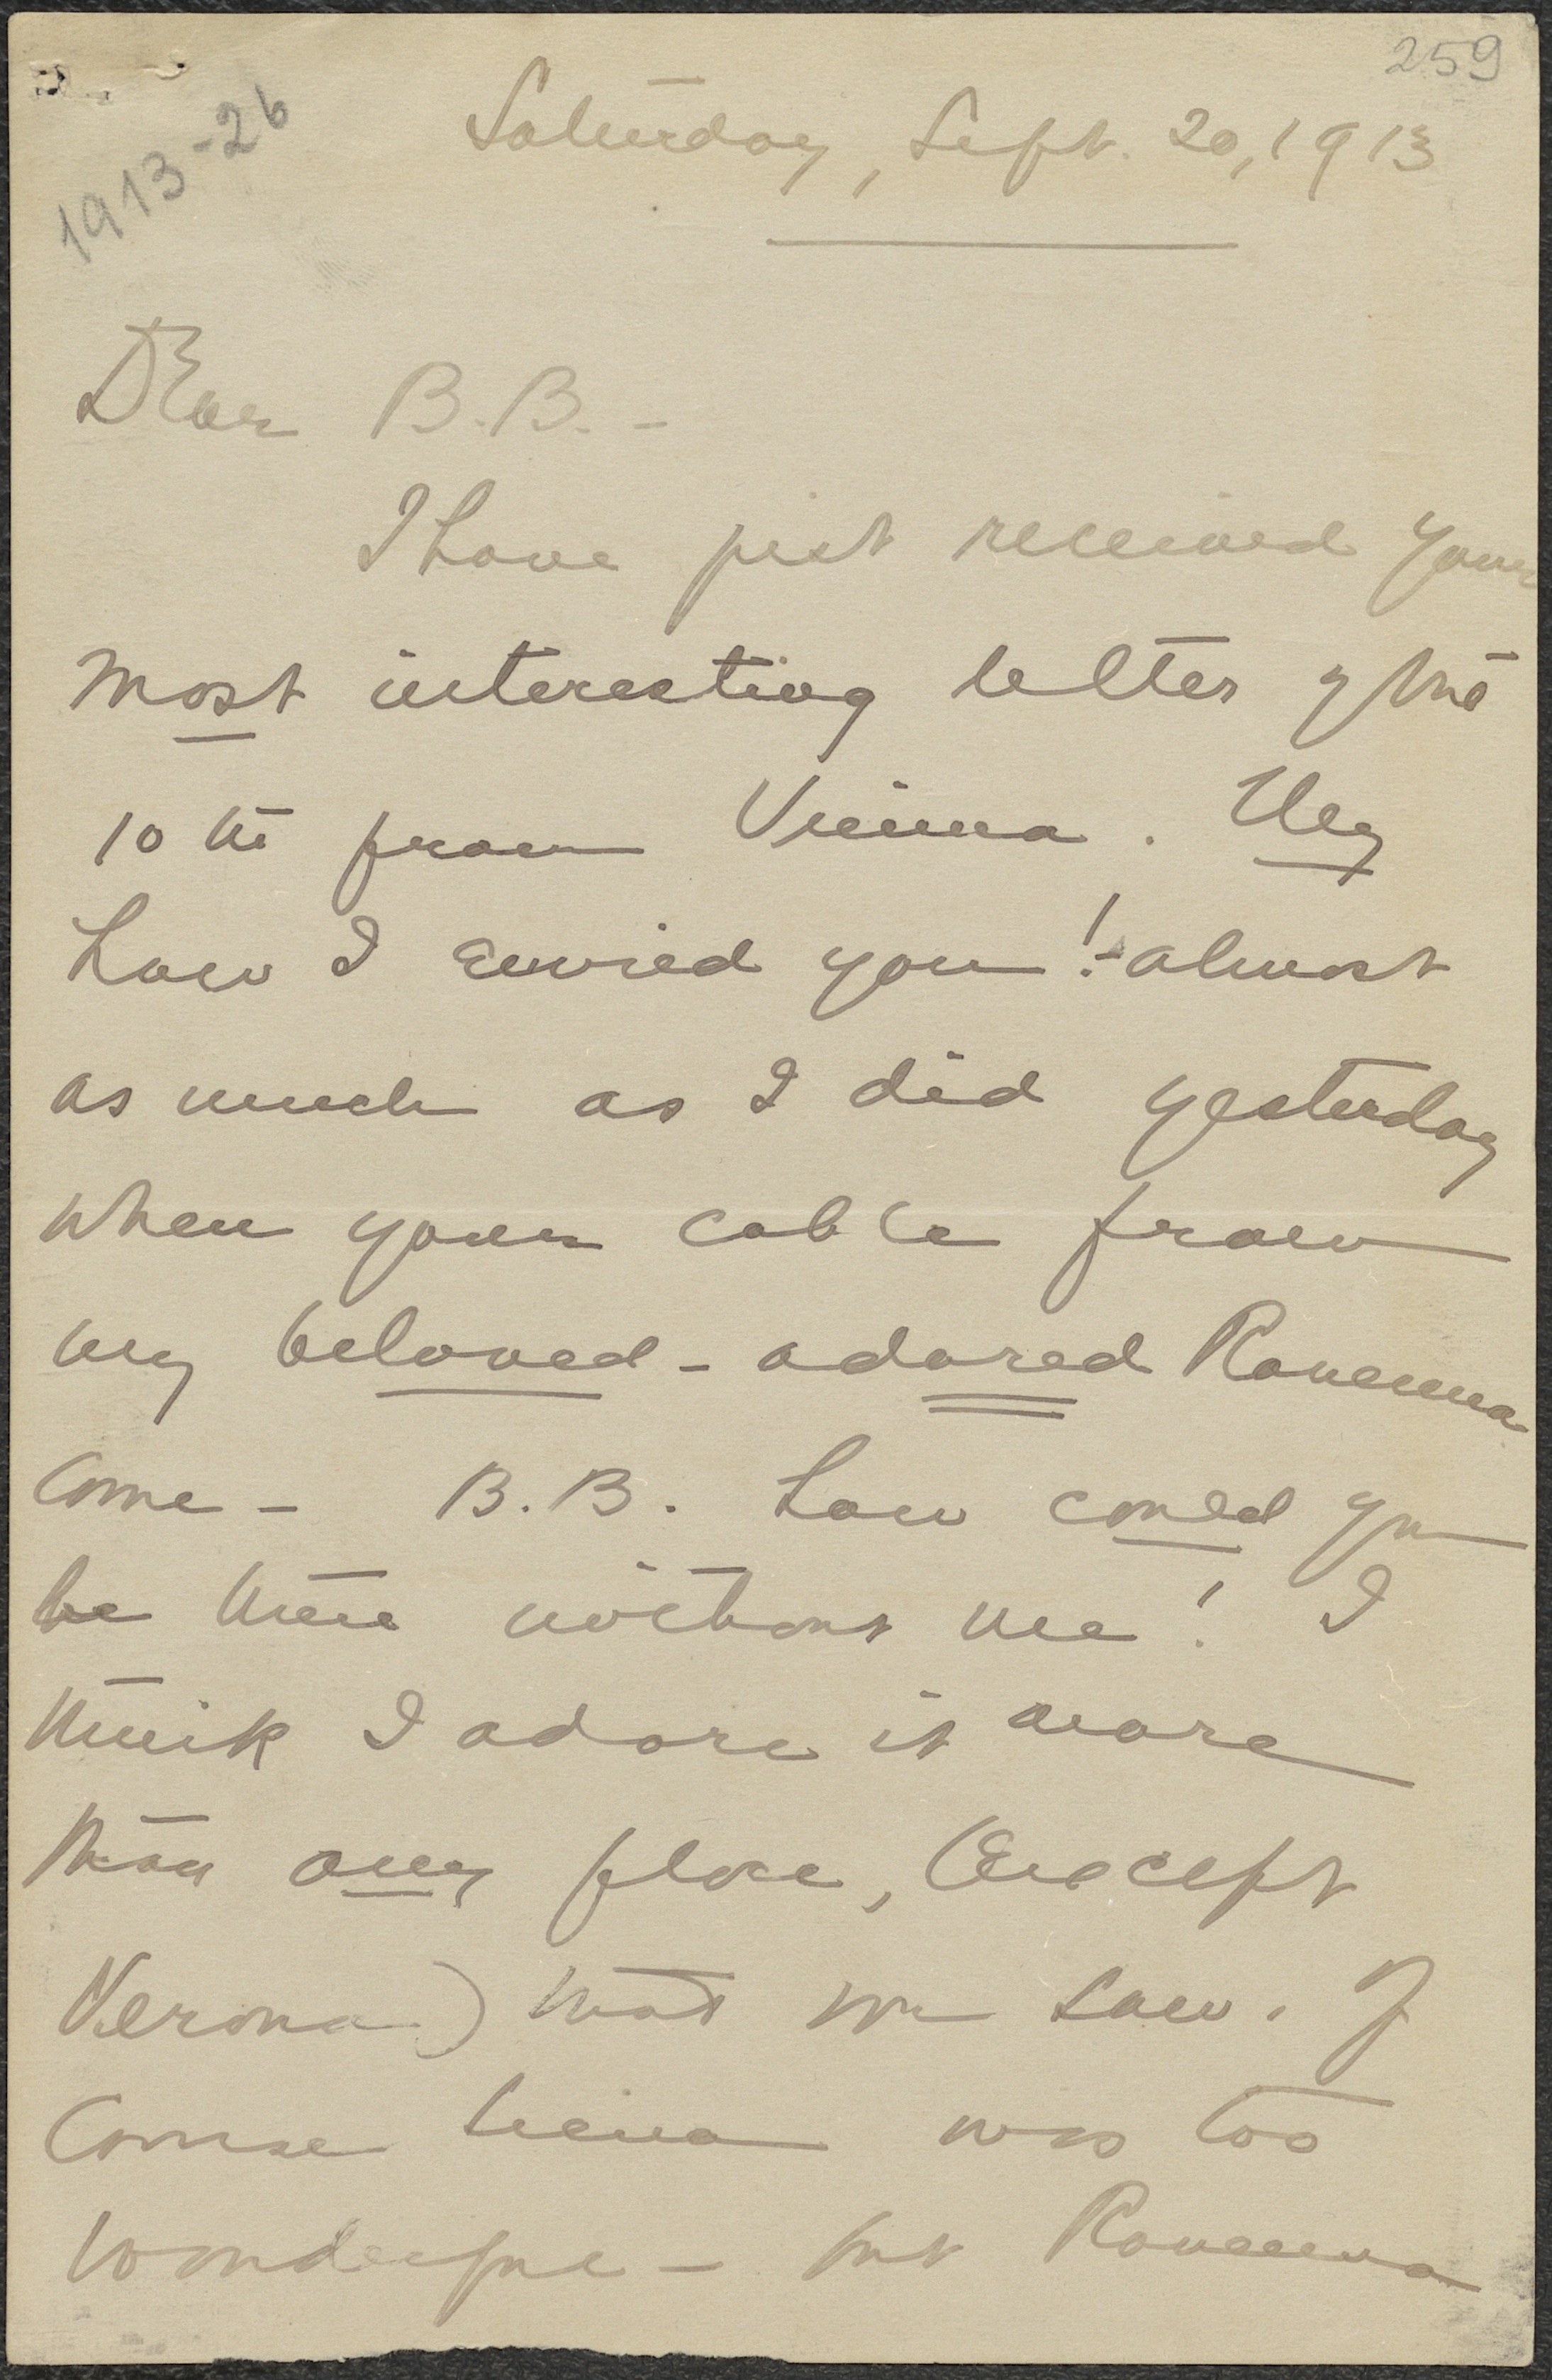Saturday, Sept. 20, 1913
Dear B. B. –
I have just received your most interesting letter of the 10th from Vienna. My how I envied you! – almost as much as I did yesterday when your cable from my beloved – [double underlined: adored] Ravenna came – B. B. how could you be there without me! I think I adore it more than any place, (except Verona) that we saw, of course Siena was too wonderful – but Ravenna